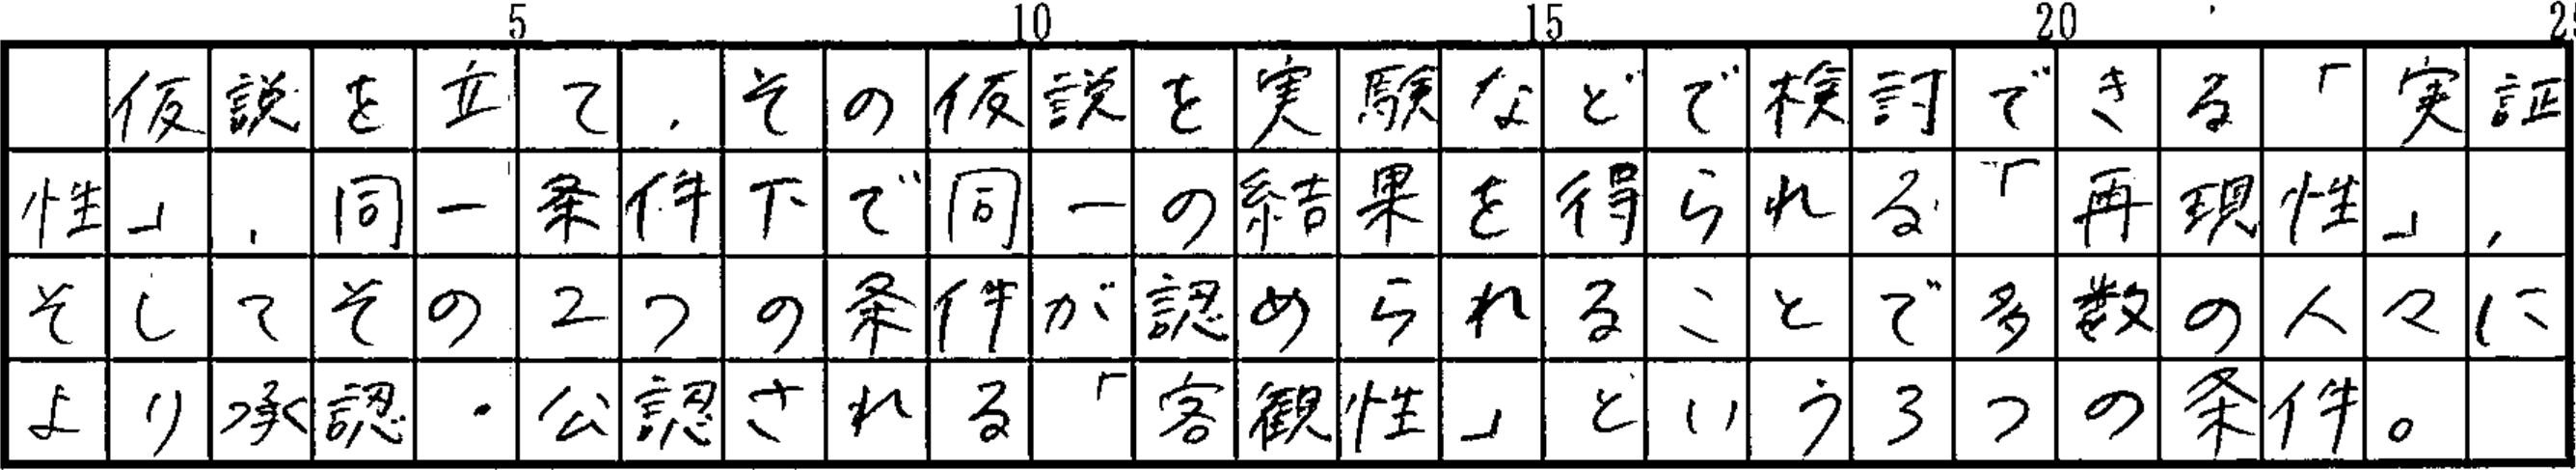　仮説を立て、その仮説を実験などで検討できる「実証性」、同一条件下で同一の結果を得られる「再現性」、そしてその２つの条件が認められることで多数の人々により承認・公認される「客観性」という３つの条件。
